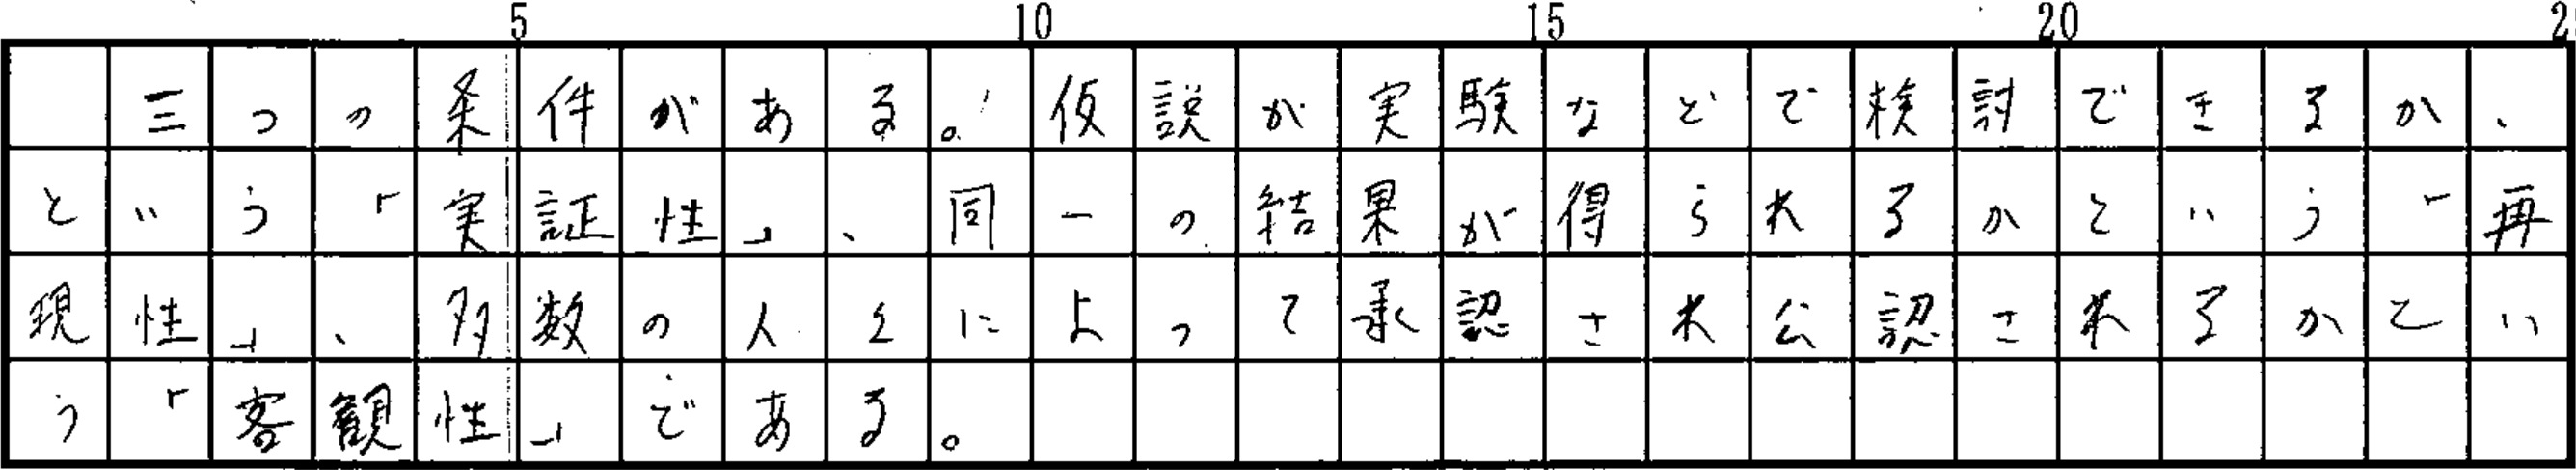　三つの条件がある。仮説が実験などで検討できるか、という「実証性」、同一の結果が得られるかという「再現性」、多数の人々によって承認され公認されるかという「客観性」である。
